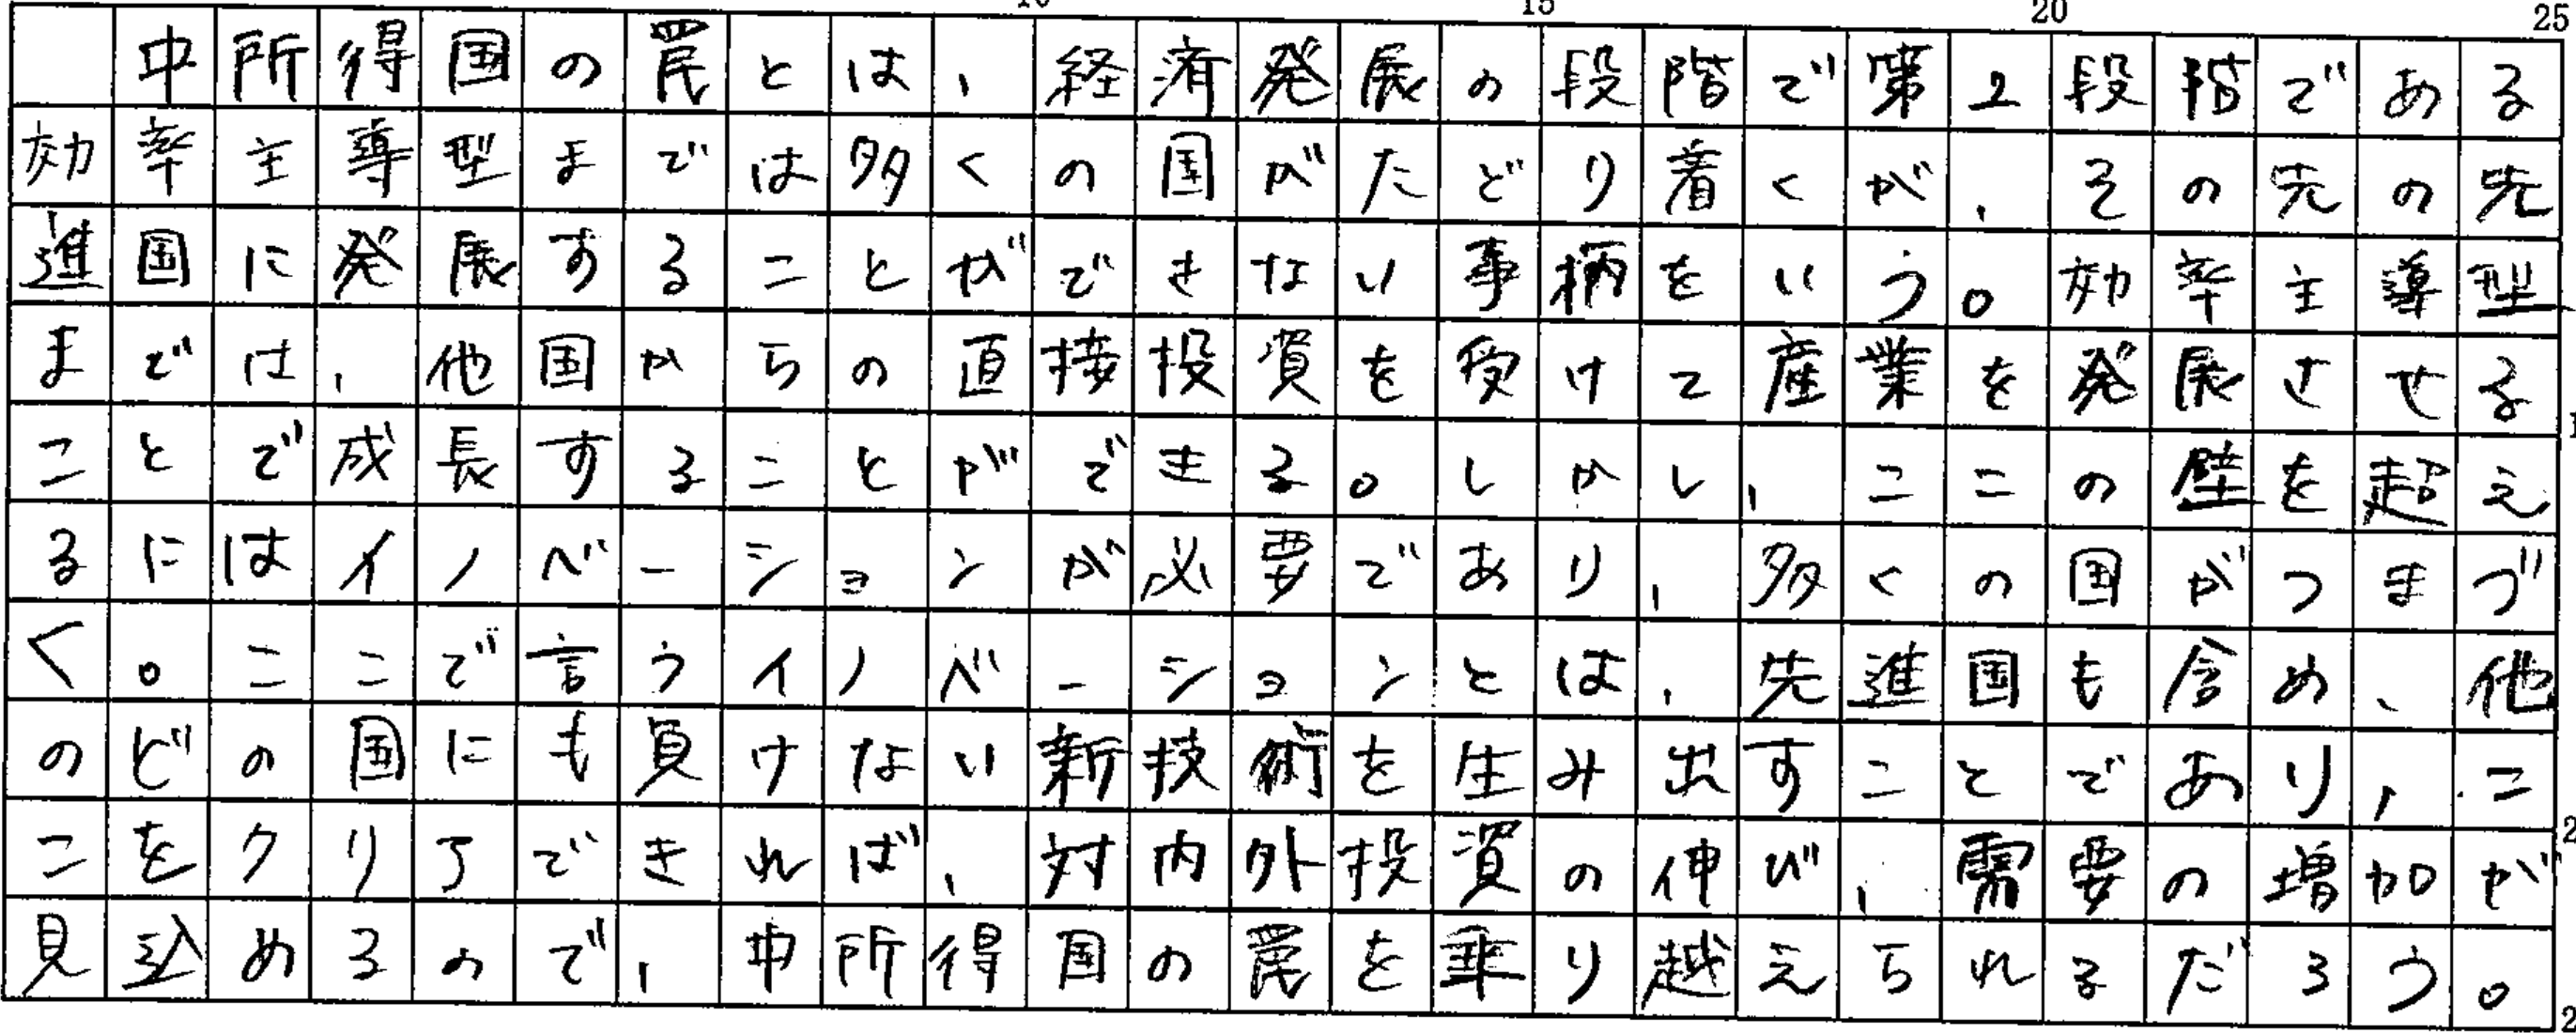　中所得国の罠とは、経済発展の段階で第２段階である効率主導型までは多くの国がたどり着くが、その先の先進国に発展することができない事柄をいう。効率主導型までは、他国からの直接投資を受けて産業を発展させることで成長することができる。しかし、ここの壁を超えるにはイノベーションが必要であり、多くの国がつまづく。ここで言うイノベーションとは、先進国も含め、他のどの国にも負けない新技術を生み出すことであり，ここをクリアできれば、対内外投資の伸び、需要の増加が見込めるので、中所得国の罠を乗り越えられるだろう。
